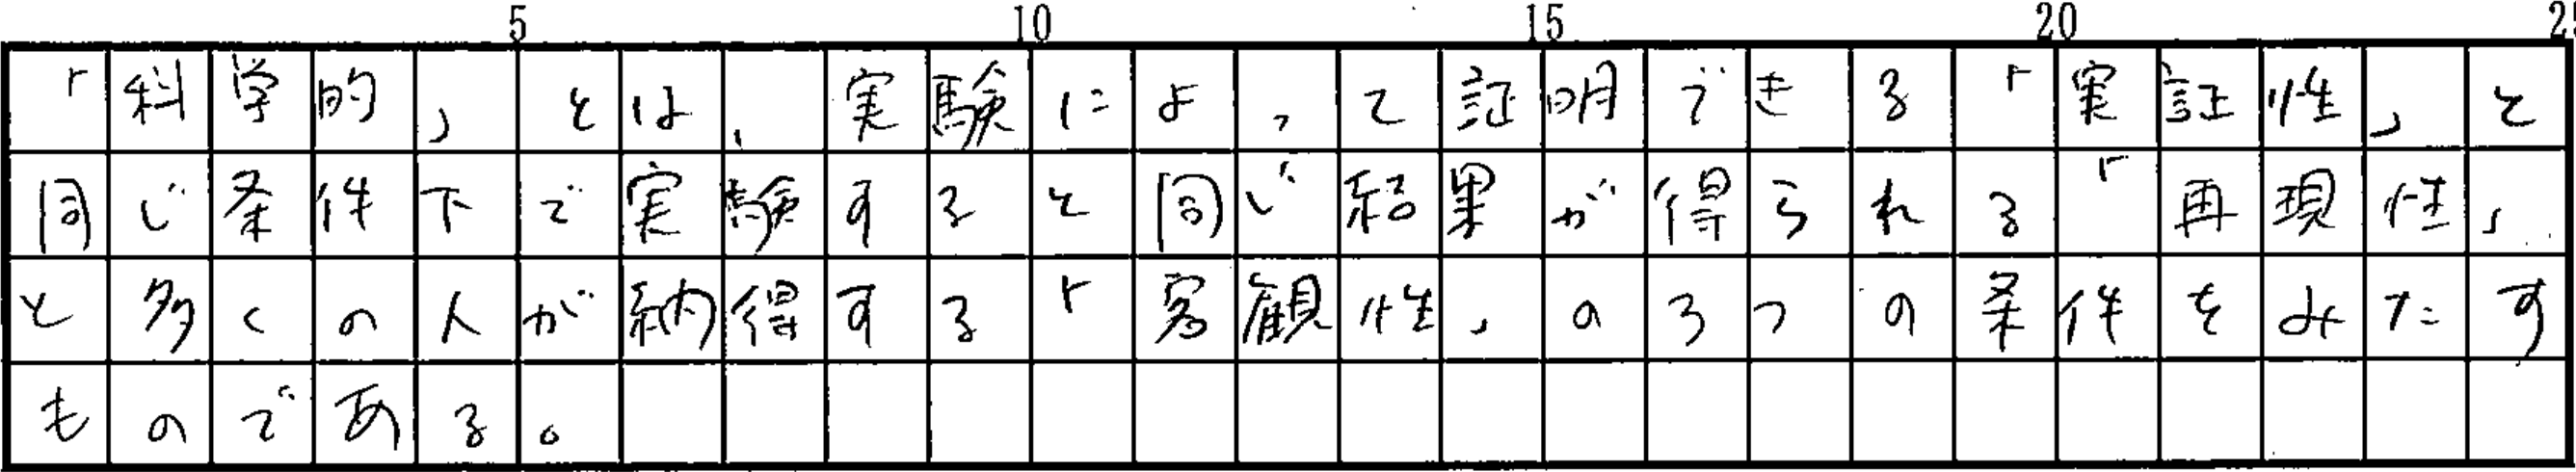「科学的」とは、実験によって証明できる「実証性」と同じ条件下で実験すると同じ結果が得られる「再現性」と多くの人が納得する「客観性」の３つの条件を満たすものである。
